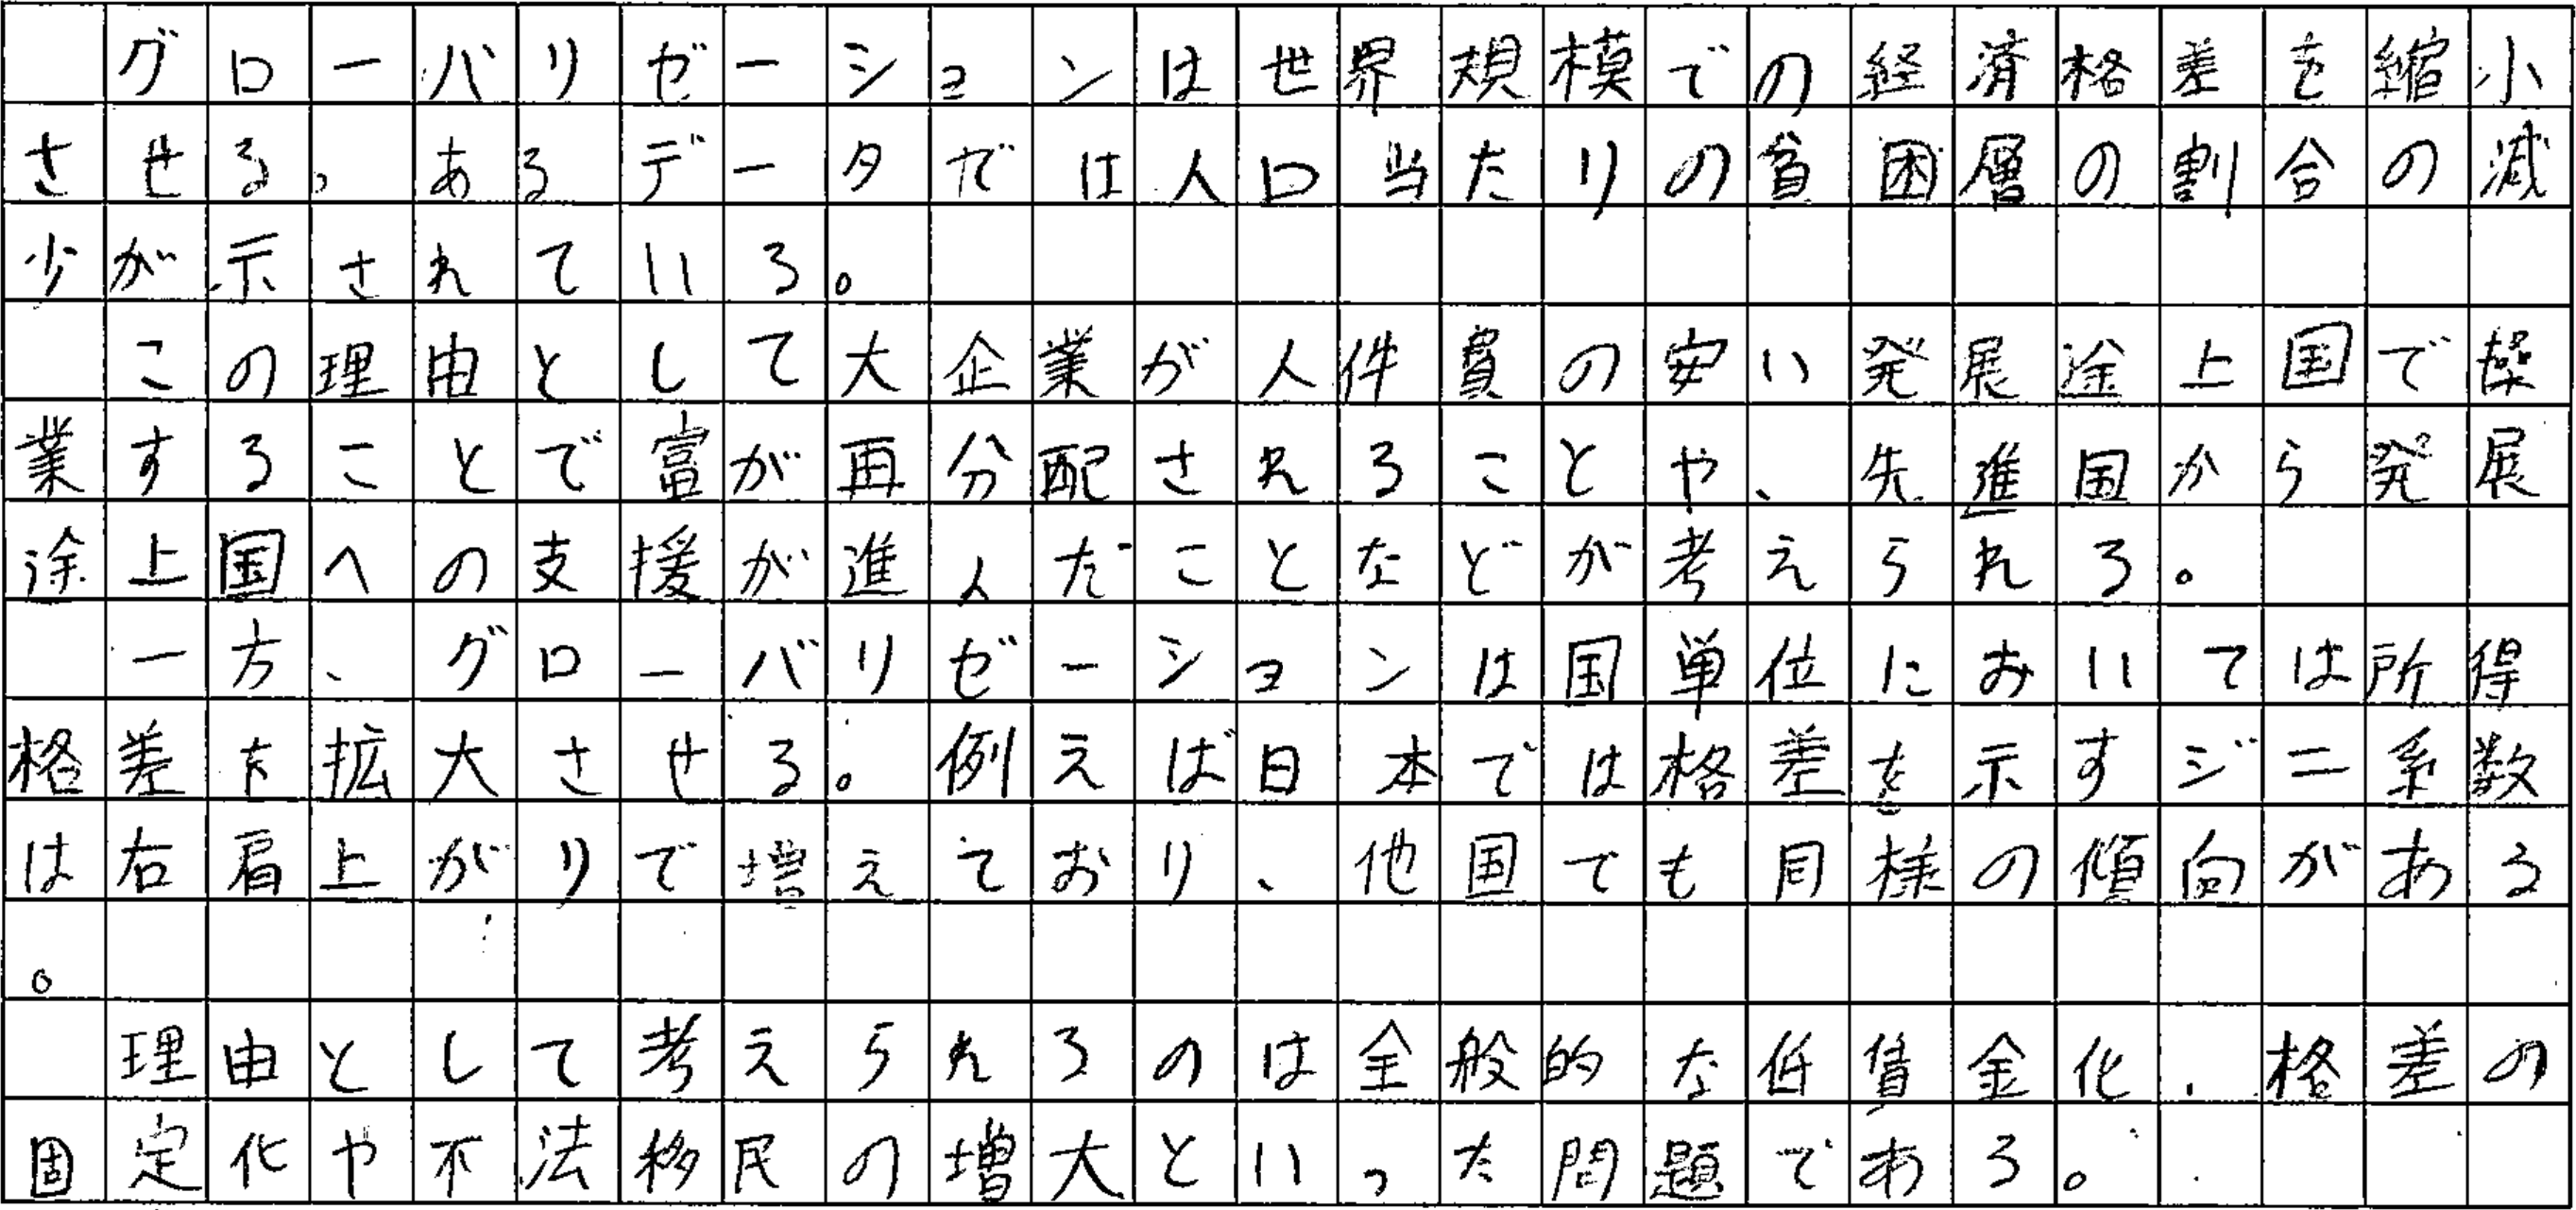　グローバリゼーションは世界規模での経済格差を縮小させる。あるデータでは人口当たりの貧困層の割合の減少が示されている。
　この理由として大企業が人件費の安い発展途上国で操業することで富が再分配されることや、先進国から発展途上国への支援が進んだことなどが考えられる。
　一方、グローバリゼーションは国単位においては所得格差を拡大させる。例えば日本では格差を示すジニ系数は右肩上がりで増えており、他国でも同様の傾向がある。
　理由として考えられるのは全般的な低賃金化、格差の固定化や不法移民の増大といった問題である。
